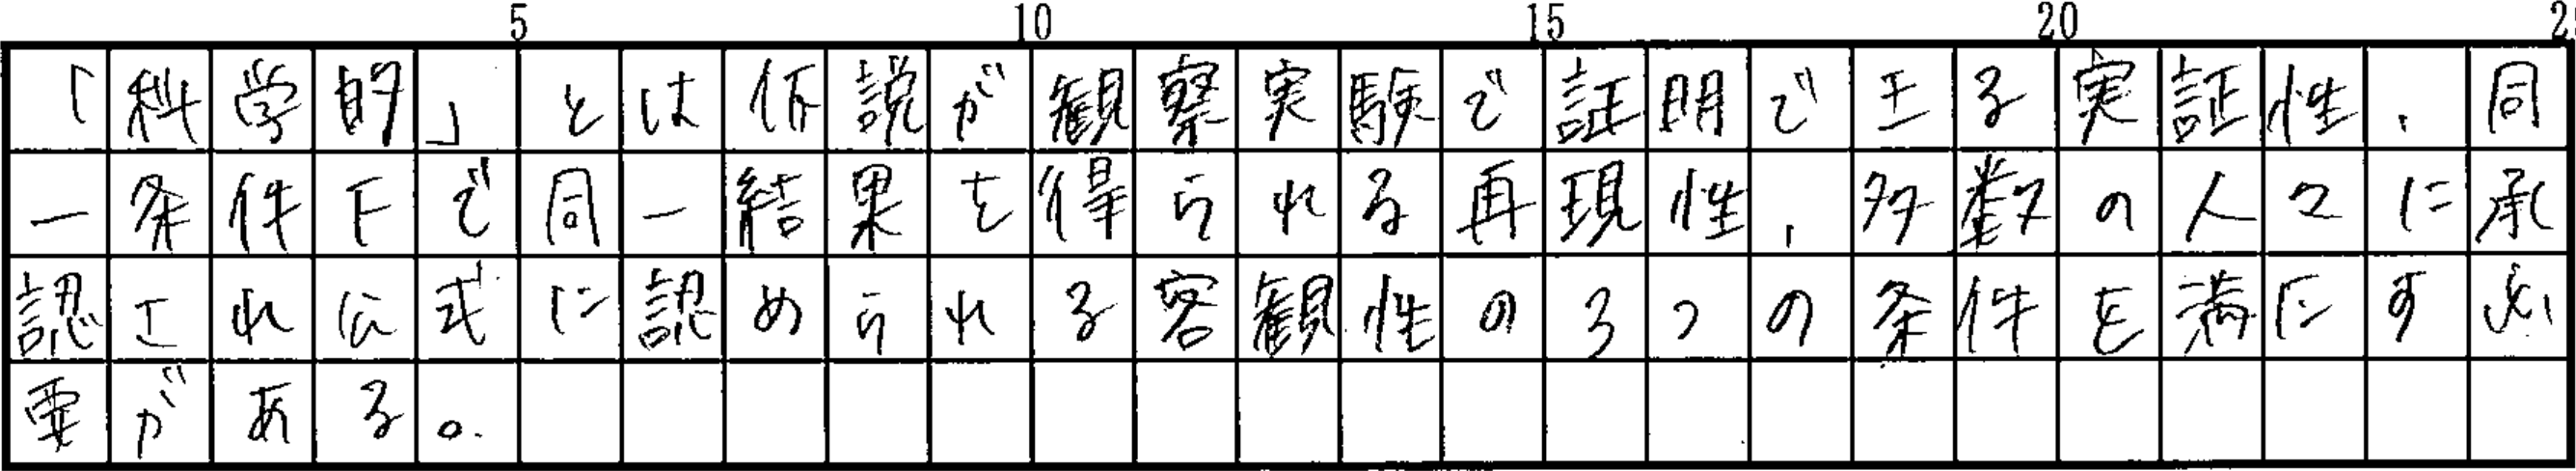「科学的」とは仮説が観察実験で証明できる実証性、同一条件下で同一結果を得られる再現性、多数の人々に承認され公式に認められる客観性の３つの条件を満たす必要がある。
